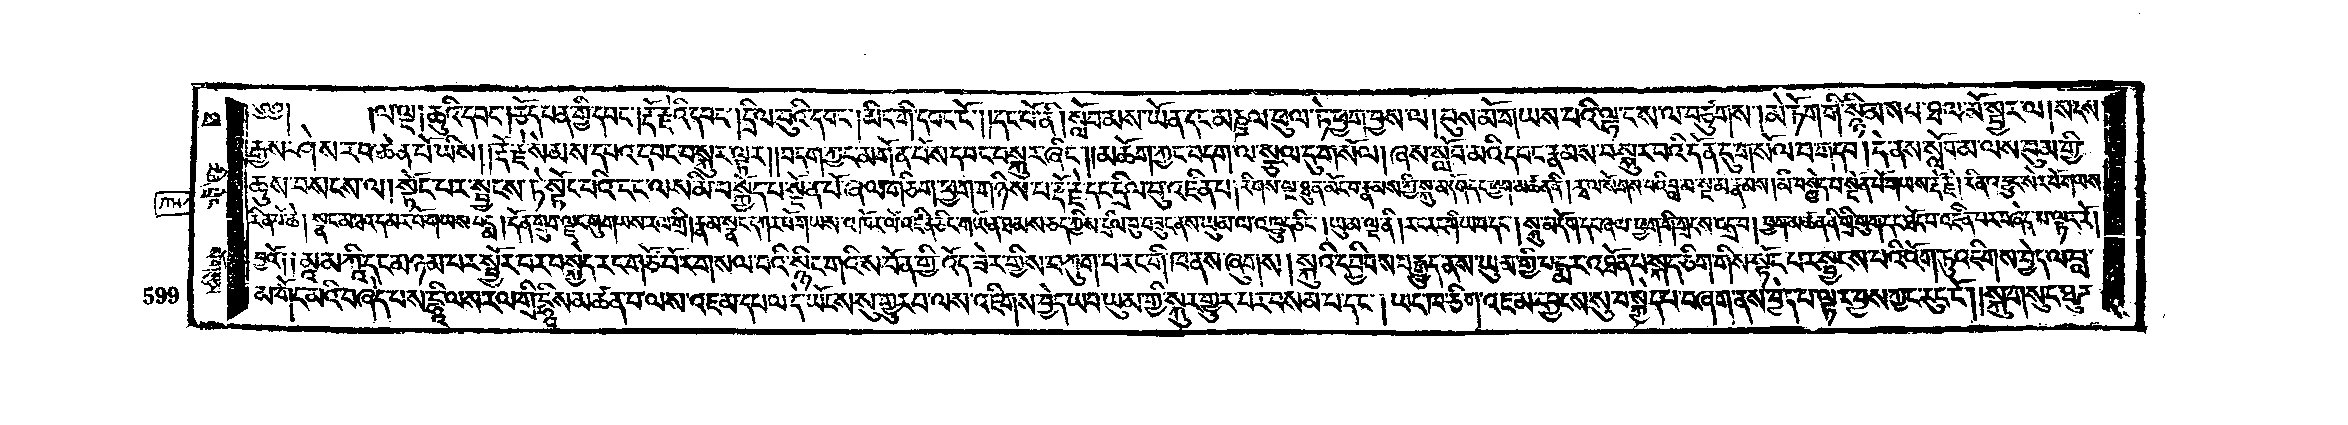༄༅། །ལ་ལྔ། ཆུའི་དབང་། ཅོད་པན་གྱི་དབང་། རྡོ་རྗེའི་དབང་། དྲིལ་བུའི་དབང་། མིང་གི་དབང་ངོ། །དང་པོ་ནི། སློབ་མས་ཡོན་དང་མཎྜལ་ཕུལ་ཏེ་ཕྱག་བྱས་ལ། བུས་མོ་གཡས་པའི་ལྷ་ང་ས་ལ་བཙུགས། མེ་ཏོག་གི་སྙིམས་པ་ཐལ་མོ་སྦྱར་ལ། སངས་
རྒྱས་ཤེས་རབ་ཆེན་པོ་ཡིས། །རྡོ་རྗེ་སེམས་དཔའ་དབང་བསྐུར་ལྟར། །བདག་ཀྱང་མགོན་པོས་དབང་བསྐུར་ཞིང་། །མཆོག་ཀྱང་བདག་ལ་སྩལ་དུ་གསོལ། ཞས་སློབ་མའི་དབང་རྣམས་བསྐུར་བའི་དོན་དུ་གསོལ་བ་གདབ། དེ་ནས་སློབ་མ་ལས་བུམ་གྱི་
ཆུས་བསངས་ལ། སྟོང་པར་སྦྱངས་ཏེ་སྟོང་པའི་ངང་ལས་མི་བསྐྱོད་པ་སྔོན་པོ་ཞལ་གཅིག་ཕྱག་གཉིས་པ་རྡོ་རྗེ་དང་དྲིལ་བུ་འཛིན་པ། རིགས་ལྔ་ཐུན་མོང་བ་རྣམས་ཀྱི་སྐུ་མདོག་དང་ཕྱག་མཚན་ནི། རྭ་ལ་སོགས་པའི་བླ་མ་སྔ་མ་རྣམས། མི་བསྐྱེད་པ་སྔོན་པོ་གཡས་རྡོ་རྗེ། རིན་འབྱུང་སེར་པོ་གཡས་
རིན་པོ་ཆེ། སྣང་མཐའ་དམར་པོ་གཡས་པདམ། དོན་གྲུབ་ལྗང་གུ་གཡས་རལ་གྲི། རྣམ་སྣང་དཀར་པོ་གཡས་འཁོར་ལོ་འཛིན་ཅིང་གཡོན་ཐམས་ཅད་ཀྱིས་དྲིལ་བུ་བཟུང་ནས་ཡུམ་ལ་འཁྱུད་ཅིང་། ཡུམ་ལྔ་ནི། རང་རང་གི་ཡབ་དང་། སྐུ་མདོག་དང་ཞལ་ཕྱག་གི་གྲངས་འདྲ་བ། ཕྱག་མཚན་ནི་གྲི་གུག་དང་ཐོད་པ་འཛིན་པར་བཞེད་པ་ལྟར་རོ།
བྱའོ། །མཱ་མ་ཀཱི་དང་མཉམ་པར་སྦྱོར་བར་བསྐྱེད་རང་གཙོ་བོར་གསལ་བའི་སྙིང་གའི་ས་བོན་གྱི་འོད་ཟེར་གྱིས་བཀུག་པ་རང་གི་ཁ་ནས་ཞུགས། སྐུའི་དབྱིབས་བརྒྱུད་ནས་ཡུམ་གྱི་པདམར་འཐོན་པ་སྐད་ཅིག་གིས་སྟོང་པར་སྦྱངས་པའི་འོག་ཏུ་འཇིགས་བྱེད་ལ་བླ་
མ་གོང་མའི་བཞེད་པས་དྷཱི་ལས་རལ་གྲི་དྷཱིས་མཚན་པ་ལས་འཇམ་དཔལ་དེ་ཡོངས་སུ་གྱུར་པ་ལས་འཇིགས་བྱེད་ཡབ་ཡུམ་གྱི་སྐུར་གྱུར་པར་བསམ་པ་དང་། ཡང་ཁ་ཅིག་འཇམ་དབྱངས་སུ་བསྐྱེད་པ་བཞག་ནས་བྱེད་པ་ལྟར་བྱས་ཀྱང་རུང་ངོ། །སྐུ་གསུང་ཐུགས་